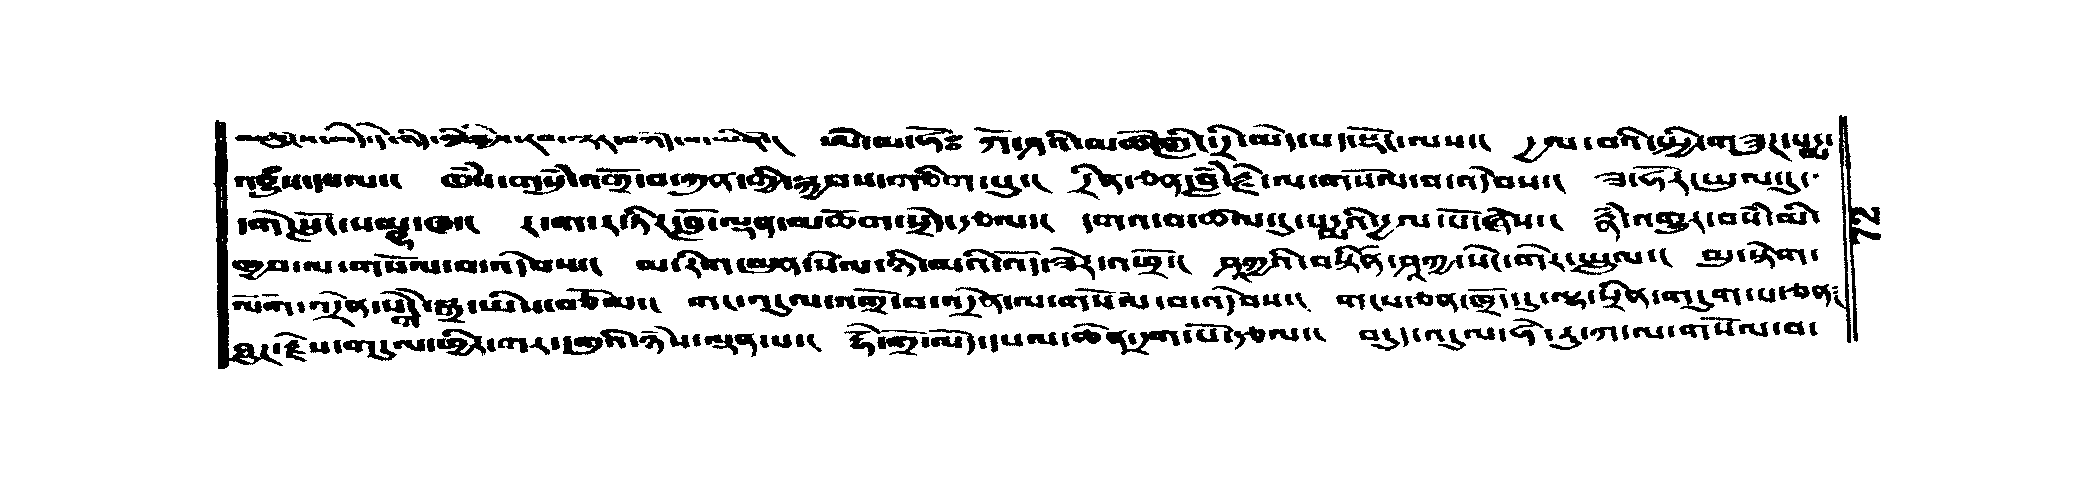མཚུངས་མེད་དེ་ཉིད་ཀྱི་སྐྱེས་རབས་ལྟར་བཀོད་པ་ཡིན་ནོ།། ཨེ་མ་ཧོ། ཀོ་ཤའི་མཚོ་གླིང་དྲི་མེད་པད་སྡོང་ལས། །རྒྱལ་བའི་སྤྱི་གཟུགས་པདྨ་
འབྱུང་གནས་དཔལ། །ཁམས་གསུམ་འགྲོ་བ་ཀུན་གྱི་སྐྱབས་གཅིག་པུ། །དྲིན་ཅན་བླ་མ་རྗེ་ལ་གསོལ་བ་འདེབས། །ཟ་ཧོར་ཡུལ་དུ་
དགེ་སློང་སམྦྷ་ཝ། །ར་ག་ར་ཏིར་བློ་ལྡན་མཆོག་སྲེད་རྩལ། །དགའ་བའི་འཚལ་དུ་པདྨ་རྒྱལ་པོ་ཞེས། །རྣམ་འགྱུར་བསམ་མི་
ཁྱབ་ལ་གསོལ་བ་འདེབས། །མ་རིག་མུན་སེལ་ཉི་མའི་འོད་ཟེར་འཕྲོ། །ཤཱཀྱའི་བསྟན་འཛིན་ཤཱཀྱ་སེང་གེར་སྤྲུལ། །མུ་སྟེགས་
ལོག་འདྲེན་སེངྒེ་སྒྲ་ཡིས་བཅོམ། །གང་འདུལ་འགྲོ་བ་འདྲེན་ལ་གསོལ་བ་འདེབས། །གངས་ཅན་ཁྲོད་དུ་ལྷ་སྲིན་གདུག་པ་ཅན། །
ཐུགས་རྗེས་གདུལ་ཕྱིར་གར་དགུའི་ཉམས་ལྡན་པ། །རྡོ་རྗེ་གྲོ་ལོད་དཔལ་ཆེན་དྲག་པོ་རྩལ། །བདུད་འདུལ་ཧེ་རུ་ཀ་ལ་གསོལ་བ་